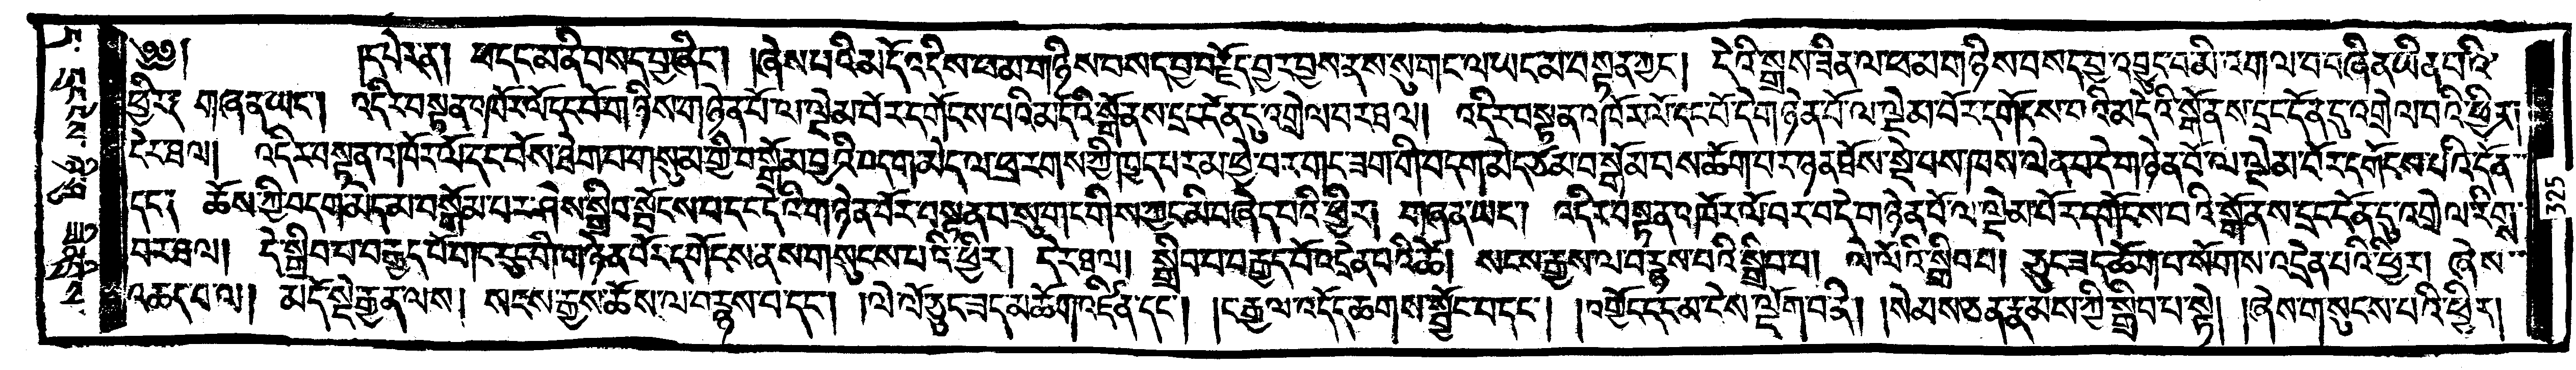༄༅། །དཔེར་ན། ཕ་དང་མ་ནི་བསད་བྱ་ཞིང་། །ཞེས་པའི་མདོ་འདིས་ཕ་མ་གཉིས་བསད་བྱ་བརྗོད་བྱར་བྱས་ནས་སུ་གང་ལ་ཡང་མ་བསྟན་ཀྱང་། དེའི་སྒྲས་ཟིན་ལ་ཕ་མ་གཉིས་བསད་བྱ་འབྱུང་བ་མི་འགལ་བ་བཞིན་ཡིན་པའི་
ཕྱིར༑ གཞན་ཡང་། འདིར་བསྟན་འཁོར་ལོ་དང་པོ་གཉིས་གཉེན་པོ་ལ་ལྡེམ་པོར་དགོངས་པའི་མདོའི་སྒོ་ནས་དྲང་དོན་དུ་འགྲེལ་བར་ཐལ། འདིར་བསྟན་འཁོར་ལོ་དང་པོ་དེ་གཉེན་པོ་ལ་ལྡེམ་པོར་དགོངས་པའི་མདོའི་སྒོ་ནས་དྲང་དོན་དུ་འགྲེལ་བའི་ཕྱིར།
དེར་ཐལ། འདིར་བསྟན་འཁོར་ལོ་དང་པོས་ཐེག་པ་གསུམ་གྱི་བསྒོམ་བྱའི་བདག་མེད་ལ་ཕྲ་རགས་ཀྱི་ཁྱད་པར་མ་ཕྱེ་བར་གང་ཟག་གི་བདག་མེད་ཙམ་བསྒོམ་པས་ཆོག་པར་ཉན་ཐོས་སྡེ་བས་ཁས་ལེན་པ་དེ་གཉེན་པོ་ལ་ལྡེམ་པོར་དགོངས་པའི་དོན་
དང༑ ཆོས་ཀྱི་བདག་མེད་མ་བསྒོམ་པར་ཤེས་སྒྲིབ་སྤོངས་བ་དང་དེའི་གཉེན་པོར་བསྟན་པ་སུ་གང་གིས་ཀྱང་མི་བཞེད་པའི་ཕྱིར། གཞན་ཡང་། འདིར་བསྟན་འཁོར་ལོ་བར་བདེ་གཉེན་པོ་ལ་ལྡེམ་པོར་དགོངས་པའི་སྒོ་ནས་དྲང་དོན་དུ་འགྲེལ་རིགས་
བར་ཐལ། དེ་སྒྲིབ་པ་བརྒྱད་པོ་གང་རུང་གི་གཉེན་པོར་དགོངས་ནས་གསུངས་པའི་ཕྱིར། དེར་ཐལ། སྒྲིབ་པ་བརྒྱད་པོ་འདྲེན་པའི་ཚེ། སངས་རྒྱས་ལ་བརྙས་པའི་སྒྲིབ་པ། ལེ་ལོའི་སྒྲིབ་པ། ཅུང་ཟད་ཆོག་པ་སོགས་འདྲེན་པའི་ཕྱིར། ཞེས་
འཆད་བ་ལ། མདོ་སྡེ་རྒྱན་ལས། སངས་རྒྱས་ཆོས་ལ་བརྙས་པ་དང་། །ལེ་ལོ་ཅུང་ཟད་མཆོག་འཛིན་དང་། །ང་རྒྱལ་འདོད་ཆགས་སྦྱོང་བ་དང་། །འགྱོང་དང་མ་ངེས་ལྡོག་པ་ནི། །སེམས་ཅན་རྣམས་ཀྱི་སྒྲིབ་པ་སྟེ། །ཞེས་གསུངས་པའི་ཕྱིར།